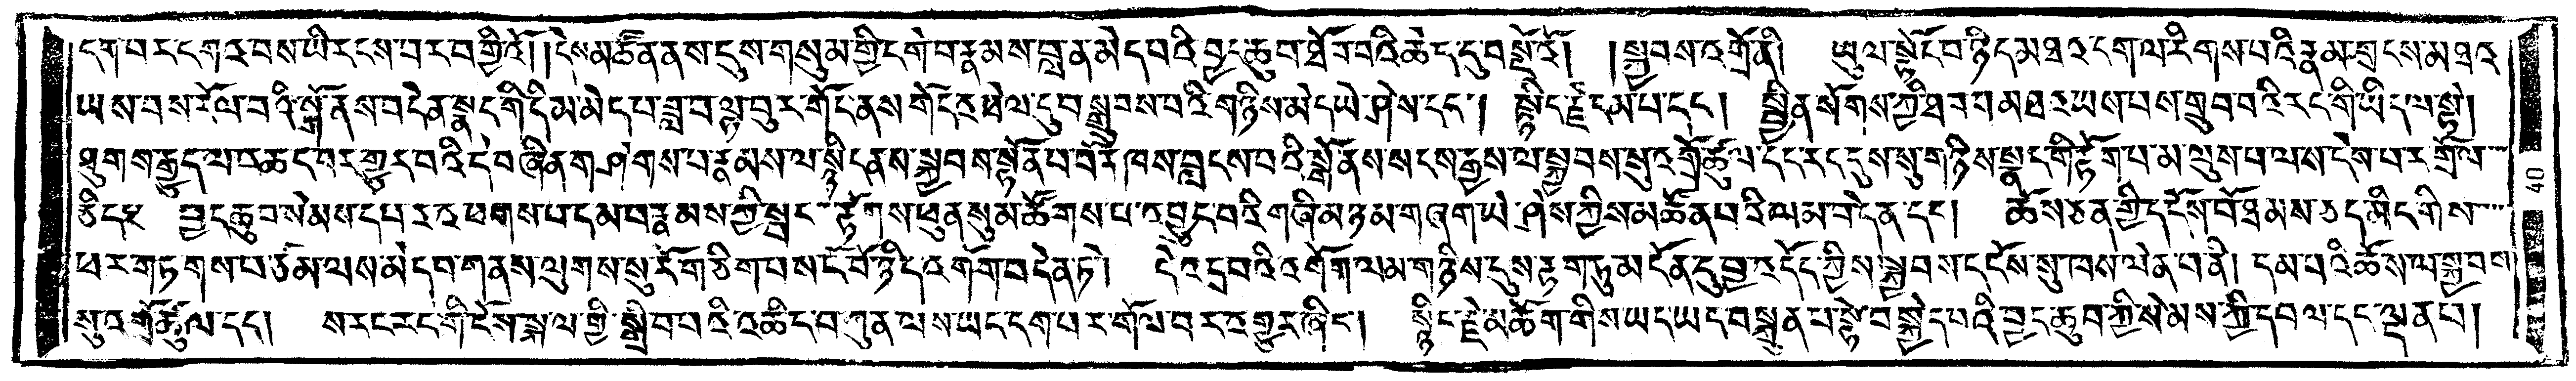དག་པར་དགའ་བས་ཡི་རངས་པར་བགྱིའོ། །དེས་མཚོན་ནས་དུས་གསུམ་གྱི་དགེ་བ་རྣམས་བླ་ན་མེད་པའི་བྱང་ཆུབ་ཐོབ་བའི་ཆེད་དུ་བསྔོའོ། །སྐྱབས་འགྲོ་ནི། ཡུལ་སྟོང་བ་ཉིད་མཐའ་དག་ལ་རིགས་པའི་རྣམ་གྲངས་མཐའ་
ཡས་བས་རོལ་བའི་སྒོ་ནས་བདེན་སྣང་གི་དིམ་མེད་པ་ཟླ་བ་ལྟ་བུར་གོང་ནས་གོང་འཕེལ་དུ་བསྒྲུབས་བའི་གཉིས་མེད་ཡེ་ཤེས་དང་། སྙིང་རྗེ་དམ་པ་དང་། སྦྱིན་སོགས་ཀྱི་ཐབས་མཐའ་ཡས་པས་གྲུབ་པའི་རང་གི་ཡིད་ལ་སྟེ།
ཐུགས་རྒྱུད་ལ་འཆད་བར་གྱུར་བའི་དེ་བཞིན་གཤེགས་པ་རྣམས་ལ་སྙིང་ནས་སྐྱབས་སྟོན་པ་པོར་ཁས་བླངས་བའི་སྒོ་ནས་སངས་རྒྱས་ལ་སྐྱབས་སུ་འགྲོ་ཚུལ་དང་རང་དུས་སུ་གཉིས་སྣང་གི་རྟོག་པ་མ་ལུས་པ་ལས་དེས་པར་གྲོལ་
ཅིང་བྱང་ཆུབ་སེམས་དཔར་འཕགས་པ་དམ་པ་རྣམས་ཀྱི་སྤང་རྟོགས་ཕུན་སུམ་ཚོགས་པ་འབྱུང་བའི་གཞི་མཉམ་གཞག་ཡེ་ཤེས་ཀྱིས་མཚོན་པའི་ལམ་བདེན་དང་། ཆོས་ཅན་གྱི་དངོས་པོ་ཐམས་ཅད་མིང་གིས་
ཕར་གཏགས་པ་ཙམ་ལས་མེད་བ་གནས་ལུགས་སུ་རོ་གཅིག་པས་ངོ་བོ་ཉིད་འགོག་བདེན་ཏེ། དེ་འདྲ་བའི་འགོག་ལམ་གཉིས་དུས་རྟག་ཏུ་མངོན་དུ་བྱ་འདོད་ཀྱིས་སྐྱབས་དངོས་སུ་ཁས་ལེན་པ་ནི། དམ་པའི་ཆོས་ལ་སྐྱབས་
སུ་འགྲོ་ཚུལ་དང་། ས་རང་རང་གི་ངོས་སྐལ་གྱི་སྒྲིབ་པའི་འཆིང་བ་ཀུན་ལས་ཡང་དག་པར་གོལ་བར་འགྱུར་ཞིང་། སྙིང་རྗེ་མཆོག་གིས་ཡང་ཡང་བསྐྲུན་པ་སྟེ་བསྐྱེད་པའི་བྱང་ཆུབ་ཀྱི་སེམས་ཀྱི་དཔལ་དང་ལྡན་པ།